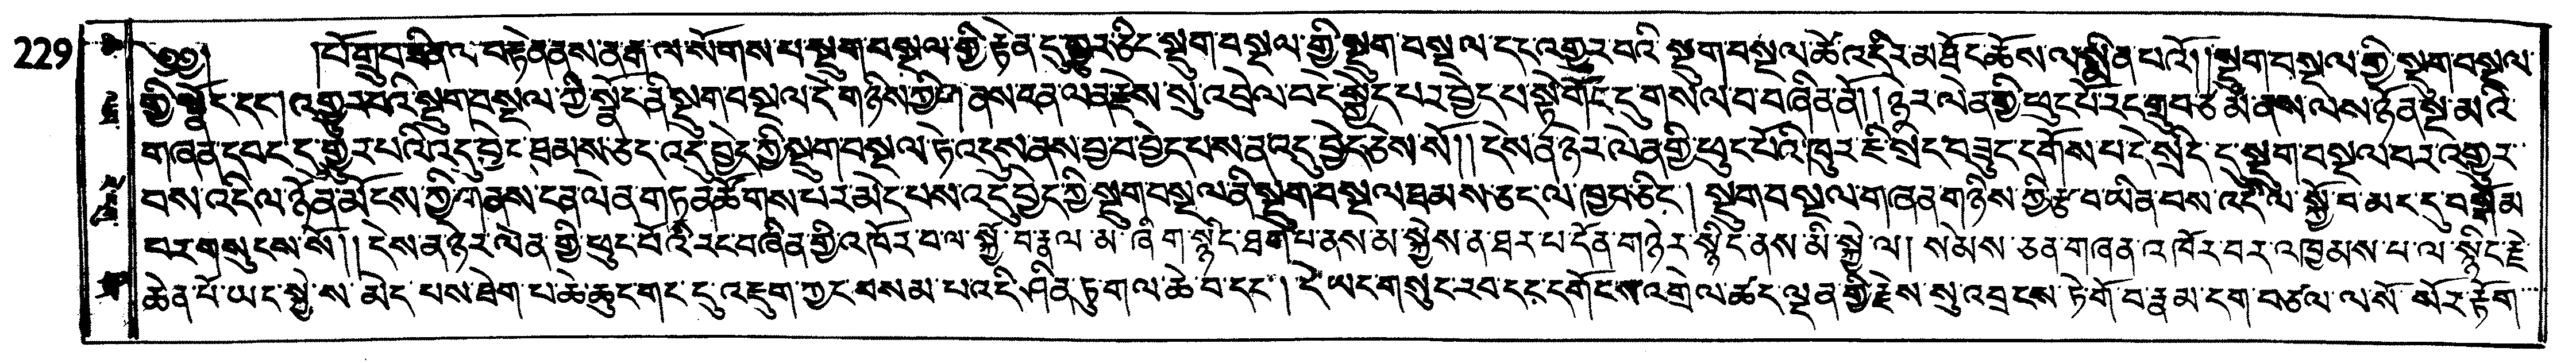༄༅། །པོ་གྲུབ་ཟིན་ལ་བརྟེན་ནས་ན་རྒ་ལ་སོགས་པ་སྡུག་བསྔལ་གྱི་རྟེན་དུ་གྱུར་ཅིང་སྡུག་བསྔལ་གྱི་སྡུག་བསྔལ་དང་འགྱུར་བའི་སྡུག་བསྔལ་ཚེ་འདིར་མཐོང་ཆོས་ལ་སྨིན་པའོ། །སྡུག་བསྔལ་གྱི་སྡུག་བསྔལ་
གྱི་སྣོད་དང་། འགྱུར་བའི་སྡུག་བསྔལ་ཀྱི་སྣོད་ནི་སྡུག་བསྔལ་དེ་གཉིས་ཀྱི་གནས་ངན་ལན་རྗེས་སུ་འབྲེལ་བདེ་སྐྱེད་པར་བྱེད་པ་སྟེ་གོང་དུ་གསལ་བ་བཞིན་ནོ། །ཉེར་ལེན་གྱི་ཕུང་པོ་རང་གྲུབ་ཙམ་ནས་ལས་ཉོན་སྔ་མའི་
གཞན་དབང་དུ་གྱུར་པའི་འདུ་བྱེད་ཐམས་ཅད་འདུ་བྱེད་ཀྱི་སྡུག་བསྔལ་ཏེ་འདུས་ནས་བྱ་བ་བྱེད་པས་ན་འདུ་བྱེད་ཅེས་སོ། །དེས་ན་ཉེར་ལེན་གྱི་ཕུང་པོའི་ཁུར་ཇི་སྲིད་བཟུང་དགོས་པ་དེ་སྲིད་དུ་སྡུག་བསྔལ་བར་འགྱུར་
བས་འདི་ལ་ཉོན་མོངས་ཀྱི་གནས་ངན་ལེན་གཏན་ཚོགས་པར་མེད་པས་འདུ་བྱེད་ཀྱི་སྡུག་བསྔལ་ནི་སྡུག་བསྔལ་ཐམས་ཅད་ལ་ཁྱབ་ཅིང་། སྡུག་བསྔལ་གཞན་གཉིས་ཀྱི་རྩ་བ་ཡིན་པས་འདི་ལ་སྐྱོ་བ་མང་དུ་བསྒོམ་
པར་གསུངས་སོ། །དེས་ན་ཉེར་ལེན་གྱི་ཕུང་པོའི་རང་བཞིན་གྱི་འཁོར་བ་ལ་སྐྱོ་བ་རྣལ་མ་ཞིག་སྙིང་ཐག་པ་ནས་མ་སྐྱེས་ན་ཐར་པ་དོན་གཉེར་སྙིང་ནས་མི་སྐྱེ་ལ། སེམས་ཅན་གཞན་འཁོར་བར་འཁྱམས་པ་ལ་སྙིང་རྗེ་
ཆེན་པོ་ཡང་སྐྱེ་ས་མེད་པས་ཐེག་པ་ཆེ་ཆུང་གང་དུ་འཇུག་ཀྱང་བསམ་པ་འདི་ཤིན་ཏུ་གལ་ཆེ་བ་དང་། དེ་ཡང་གསུང་རབ་དང་དགོངས་འགྲེལ་ཚད་ལྡན་གྱི་རྗེས་སུ་འབྲངས་ཏེ་གོ་བ་རྣམ་དག་བཙལ་ལ་སོ་སོར་རྟོག་